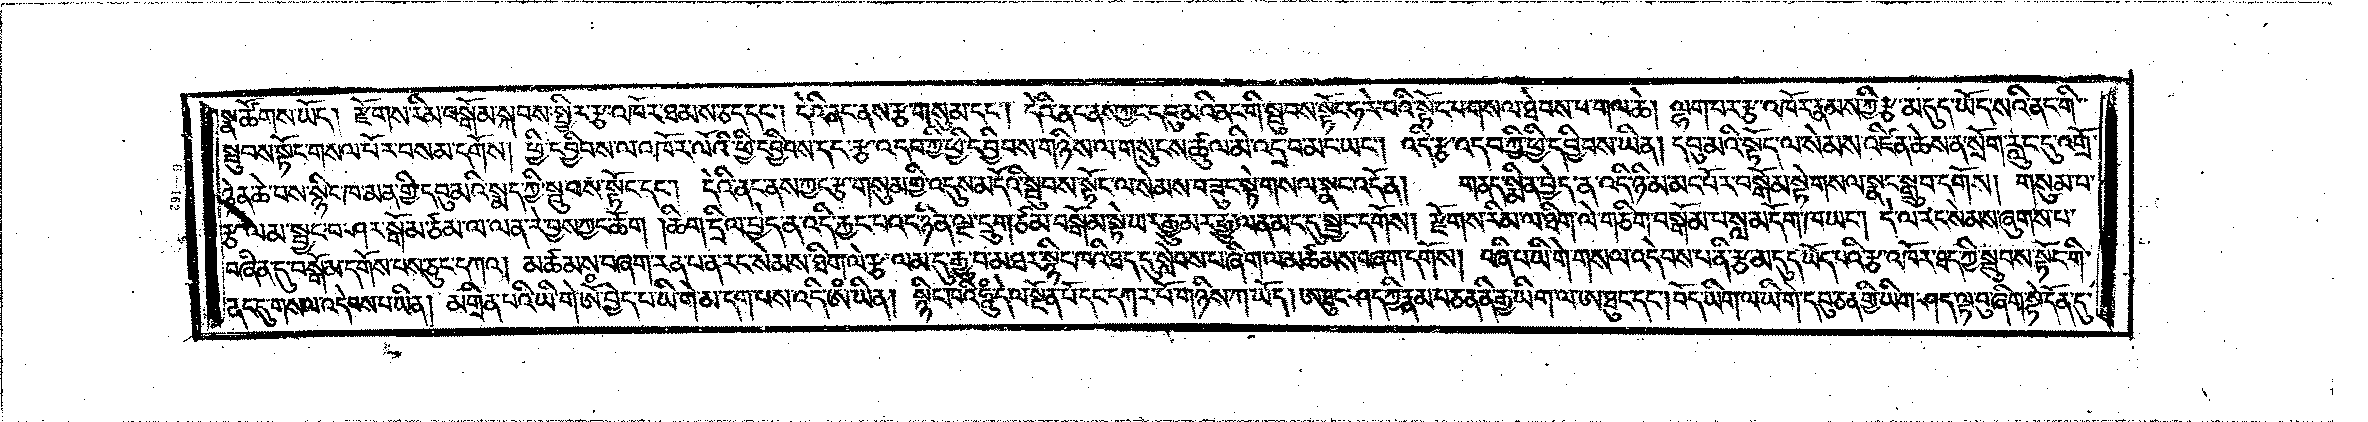སྣ་ཚོགས་ཡོད། རྫོགས་རིམ་བསྒོམ་སྐབས་སྤྱིར་ཙ་འཁོར་ཐམས་ཅད་དང་། དེའི་ནང་ནས་རྩ་གསུམ་དང་། དེའི་ནང་ནས་ཀྱང་དབུ་མའི་ནང་གི་སྦུབས་སྟོང་ཧ་རེ་བའི་སྟོང་པ་གསལ་ཐེབས་པ་གལ་ཆེ། ལྷག་པར་རྩ་འཁོར་རྣམས་ཀྱི་རྩ་མདུད་ཡོད་སའི་ནང་གི་
སྦུབས་སྟོང་གསལ་པོར་བསམ་དགོས། ཕྱི་དབྱིབས་ལ་འཁོར་ལོའི་ཕྱི་དབྱིབས་དང་རྩ་འདབ་ཀྱི་དབྱིབས་གཉིས་ལ་གསུངས་ཚུལ་མི་འདྲ་བ་མང་ཡང་། འདི་རྩ་འདབ་ཀྱི་ཕྱི་དབྱིབས་ཡིན། དབུ་མའི་སྟོད་ལ་སེམས་འཛིན་ཆེས་ན་སྲོག་རླུང་དུ་འགྲོ་
ཉེན་ཆེ་བས་སྙིང་ཁ་མན་གྱི་དབུ་མའི་སྨད་ཀྱི་སྦུབས་སྟོང་དང་། དེའི་ནང་ནས་ཀྱང་རྩ་གསུམ་གྱི་འདུས་མདོའི་སྦུབས་སྟོང་ལ་སེམས་བཟུང་སྟེ་གསལ་སྣང་འདོན། གནད་སྨིན་བྱེད་ན་འདི་ཉི་མ་མང་པོར་བསྒོམ་སྟེ་གསལ་སྣང་སྒྲུབ་དགོས། གསུམ་པ་
རྩ་ལམ་སྦྱང་བཤར་སྒོམ་ཙམ་ལ་ལན་རེ་བྱས་ཀྱང་ཆོག །ཆིག་དྲིལ་བྱེད་ན་འདི་རྐྱང་པའང་ཉིན་ལྔ་དྲུག་ཙམ་བསྒོམ་སྟེ་ཡར་རྒྱུ་མར་རྒྱུ་ལན་མང་དུ་སྦྱང་དགོས། རྫོགས་རིམ་ལ་ཐིག་ལེ་གཅིག་བསྒོམ་པ་སླ་མདོག་ཁ་ཡང་། དེ་ལ་རང་སེམས་ཞུགས་པ་
བཞིན་དུ་བསྒོམ་དགོས་པས་ཅུང་དཀའ། མཚམས་བཞག་རིན་པ་ན་རང་སེམས་ཐིག་ལེ་རྩ་ལམ་དུ་རྒྱུ་བ་མཐར་སྙིང་ཁའི་ཐད་དུ་སླེབས་པ་ཞིག་ལ་མཚམས་བཞག་དགོས། བཞི་པ་ཡི་གེ་གསལ་འདེབས་པ་ནི་རྩ་མདུད་ཡོད་པའི་རྩ་འཁོར་ཐད་ཀྱི་སྦུབས་སྟོང་གི་
ནང་དུ་གསལ་འདེབས་པ་ཡིན། མགྲིན་པའི་ཡི་གེ་ཨོཾ་བྱེད་པ་ཡི་གེ་མ་དག་པས་འདི་ཨཾ་ཡིན། སྙིང་ཁའི་ཧཱུཾ་དེ་ལ་སྔོན་པོ་དང་དཀར་པོ་གཉིས་ཀ་ཡོད། ཨ་ཐུང་ཤད་ཀྱི་རྣམ་པ་ཅན་ནི་རྒྱ་ཡིག་ལ་ཨ་ཐུང་དང་། བོད་ཡིག་ལ་ཡི་གེ་དབུ་ཅན་གྱི་ཡིག་ཤད་ལྟ་བུ་ཞིག་སྟེ་དོན་དུ་